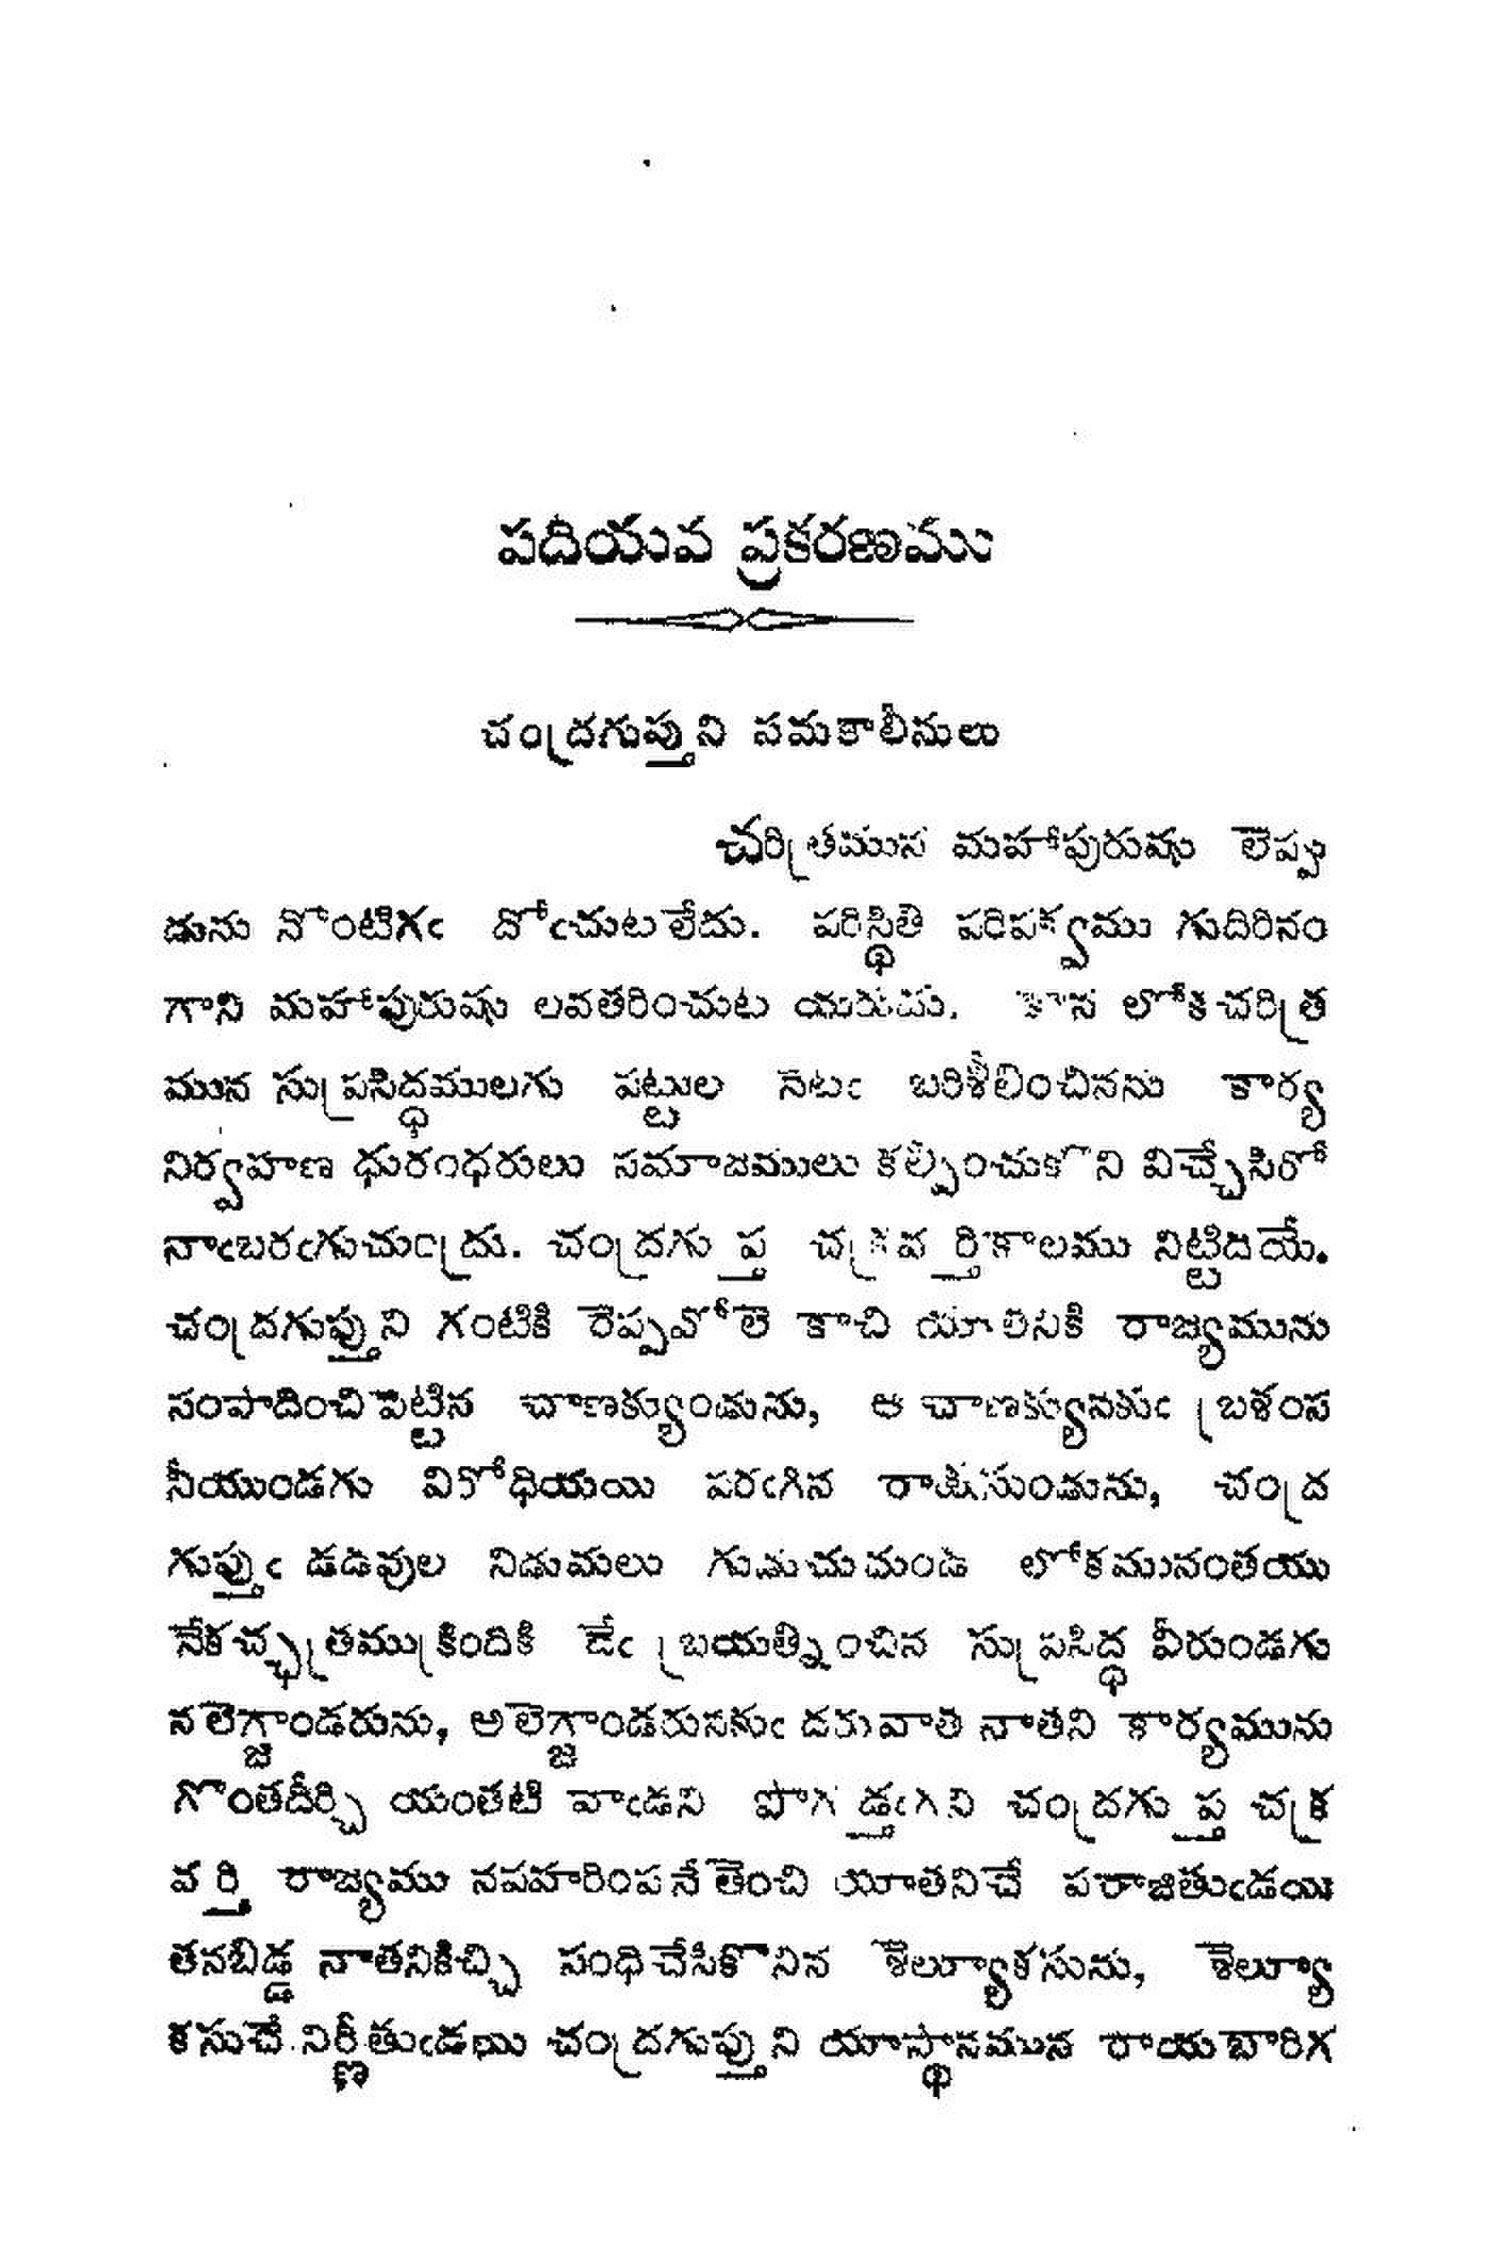పదియవ ప్రకరణము

చంద్రగుప్తుని సమకాలీనులు

చరిత్రమున మహాపురుషు లెప్పుడును నొంటిగఁ దోఁచుటలేదు. పరిస్థితి పరిపక్వము గుదిరినం గాని మహాపురుషు లవతరించుట యరుదు. కాన లోకచరిత్రమున సుప్రసిద్ధములగు పట్టుల నెటఁ బరిశీలించినను కార్య నిర్వహణ ధురంధరులు సమాజములు కల్పించుకొని విచ్చేసిరో నాఁబరఁగుచుంద్రు. చంద్రగుప్త చక్రవర్తికాలము నిట్టిదియే. చంద్రగుప్తుని గంటికి రెప్పవోలె కాచి యాతనికి రాజ్యమును సంపాదించిపెట్టిన చాణక్యుండును, ఆ చాణక్యునకుఁ బ్రశంస నీయుండగు విరోధియయి పరఁగిన రాక్షసుండును, చంద్రగుప్తుఁ డడవుల నిడుమలు గుడుచుచుండ లోకమునంతయు నేకచ్ఛత్రముక్రిందికి దేఁ బ్రయత్నించిన సుప్రసిద్ధ వీరుండగు నలెగ్జాండరును, అలెగ్జాండరునకుఁ దరువాత నాతని కార్యమును గొంతదీర్చి యంతటి వాఁడని పొగడ్తఁగని చంద్రగుప్త చక్రవర్తి రాజ్యము నపహరింపనేతెంచి యాతనిచే పరాజితుఁడయి తనబిడ్డ నాతనికిచ్చి సంధిచేసికొనిన శెల్యూకసును, శేల్యూకసుచే నిర్ణీతుఁడయి చంద్రగుప్తుని యాస్థానమున రాయబారిగ